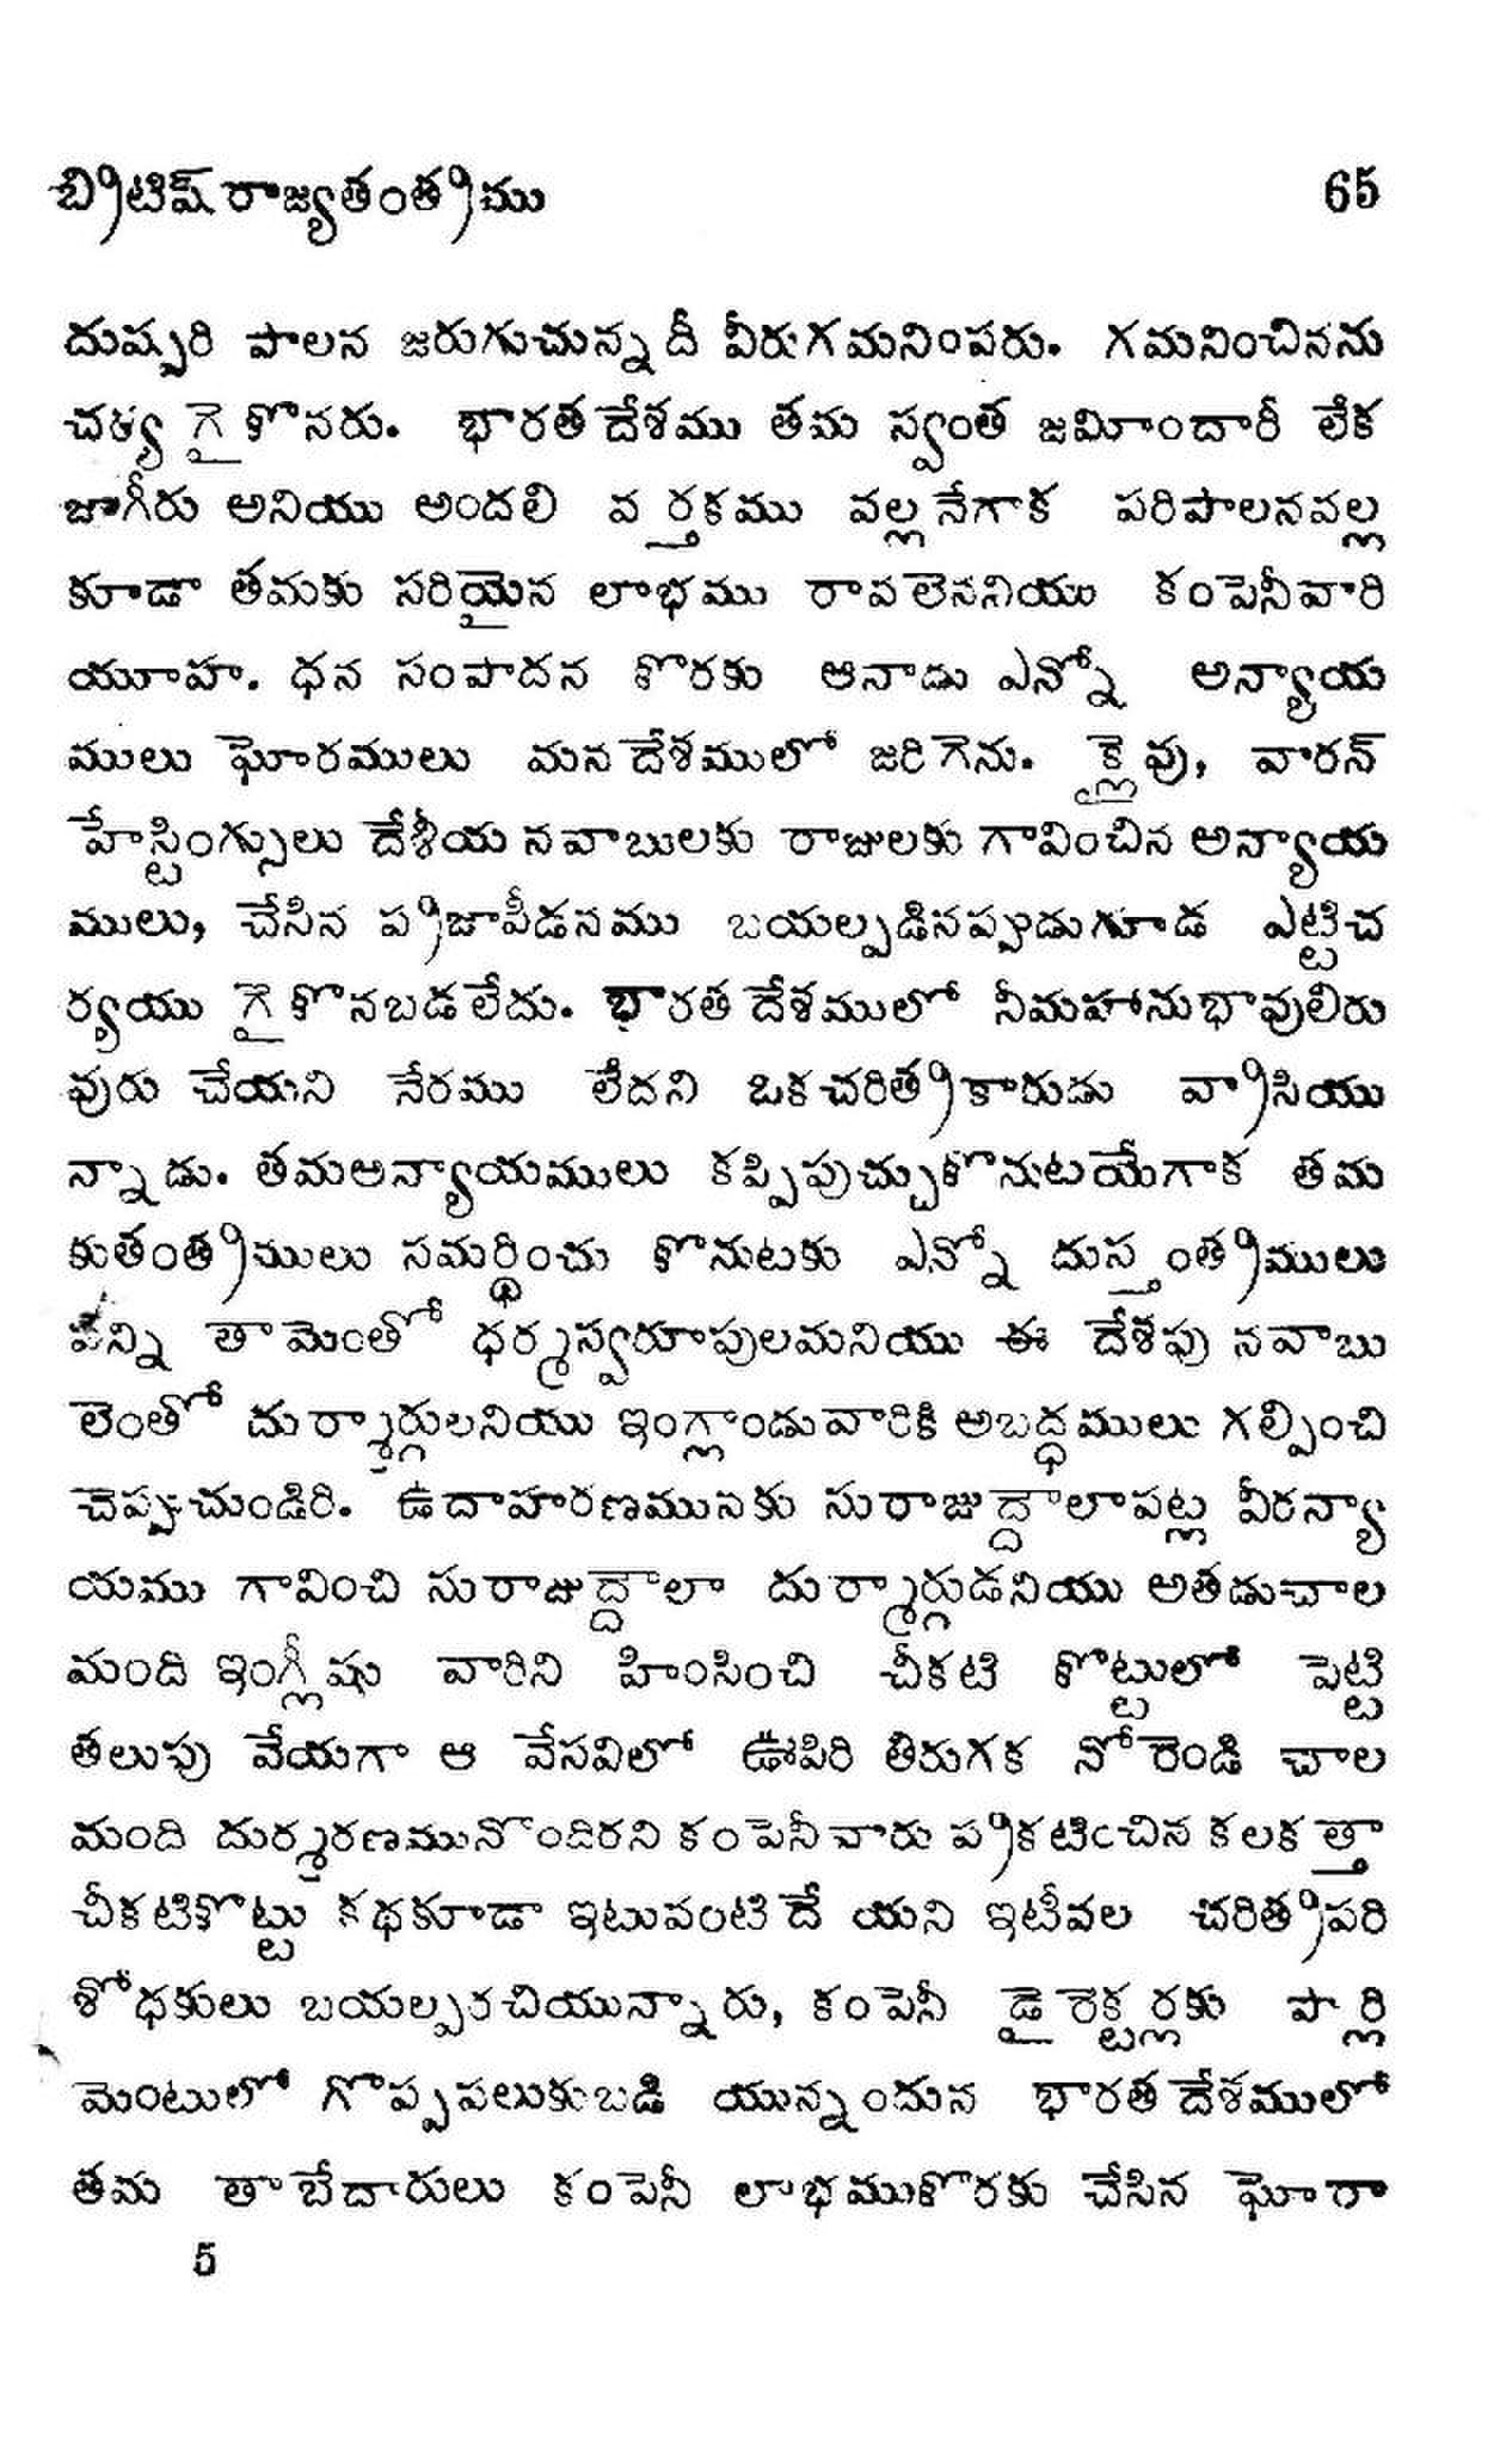దుష్పరి పాలన జరుగుచున్నదీ వీరుగమనింపరు. గమనించినను చర్య గైకొనరు. భారతదేశము తమ స్వంత జమీందారీ లేక జాగీరు అనియు అందలి వర్తకము వల్లనేగాక పరిపాలనవల్ల కూడా తమకు సరియైన లాభము రావలెననియు కంపెనీవారి యూహ. ధన సంపాదన కొరకు ఆనాడు ఎన్నో అన్యాయములు ఘోరములు మనదేశములో జరిగెను. క్లైవు, వారన్ హేస్టింగ్సులు దేశీయనవాబులకు రాజులకు గావించిన అన్యాయములు, చేసిన ప్రజాపీడనము బయల్పడినప్పుడు గూడ ఎట్టిచర్యయు గైకొనబడలేదు. భారతదేశములో నీమహానుభావులిరువురు చేయని నేరము లేదని ఒకచరిత్రకారుడు వ్రాసియున్నాడు. తమఅన్యాయములు కప్పిపుచ్చుకొనుటయేగాక తమ కుతంత్రములు సమర్ధించు కొనుటకు ఎన్నో దుస్తంత్రములు పన్ని తామెంతో ధర్మస్వరూపులమనియు ఈ దేశపు నవాబు లెంతో దుర్మార్గులనియు ఇంగ్లాండువారికి అబద్దములు గల్పించి చెప్పుచుండిరి. ఉదాహరణమునకు సురాజుద్దౌలాపట్ల వీరన్యాయము గావించి సురాజుద్దౌలా దుర్మార్గుడనియు అతడుచాలమంది ఇంగ్లీషు వారిని హింసించి చీకటి కొట్టులో పెట్టి తలుపు వేయగా ఆ వేసవిలో ఊపిరి తిరుగక నోరెండి చాలమంది దుర్మరణమునొందిరని కంపెనీవారు ప్రకటించిన కలకత్తా చీకటికొట్టు కథకూడా ఇటువంటిదే యని ఇటీవల చరిత్రపరిశోధకులు బయల్పరచియున్నారు, కంపెనీ డైరెక్టర్లకు పార్లిమెంటులో గొప్పపలుకుబడి యున్నందున భారతదేశములో తమ తాబేదారులు కంపెనీ లాభముకొరకు చేసిన ఘోరా